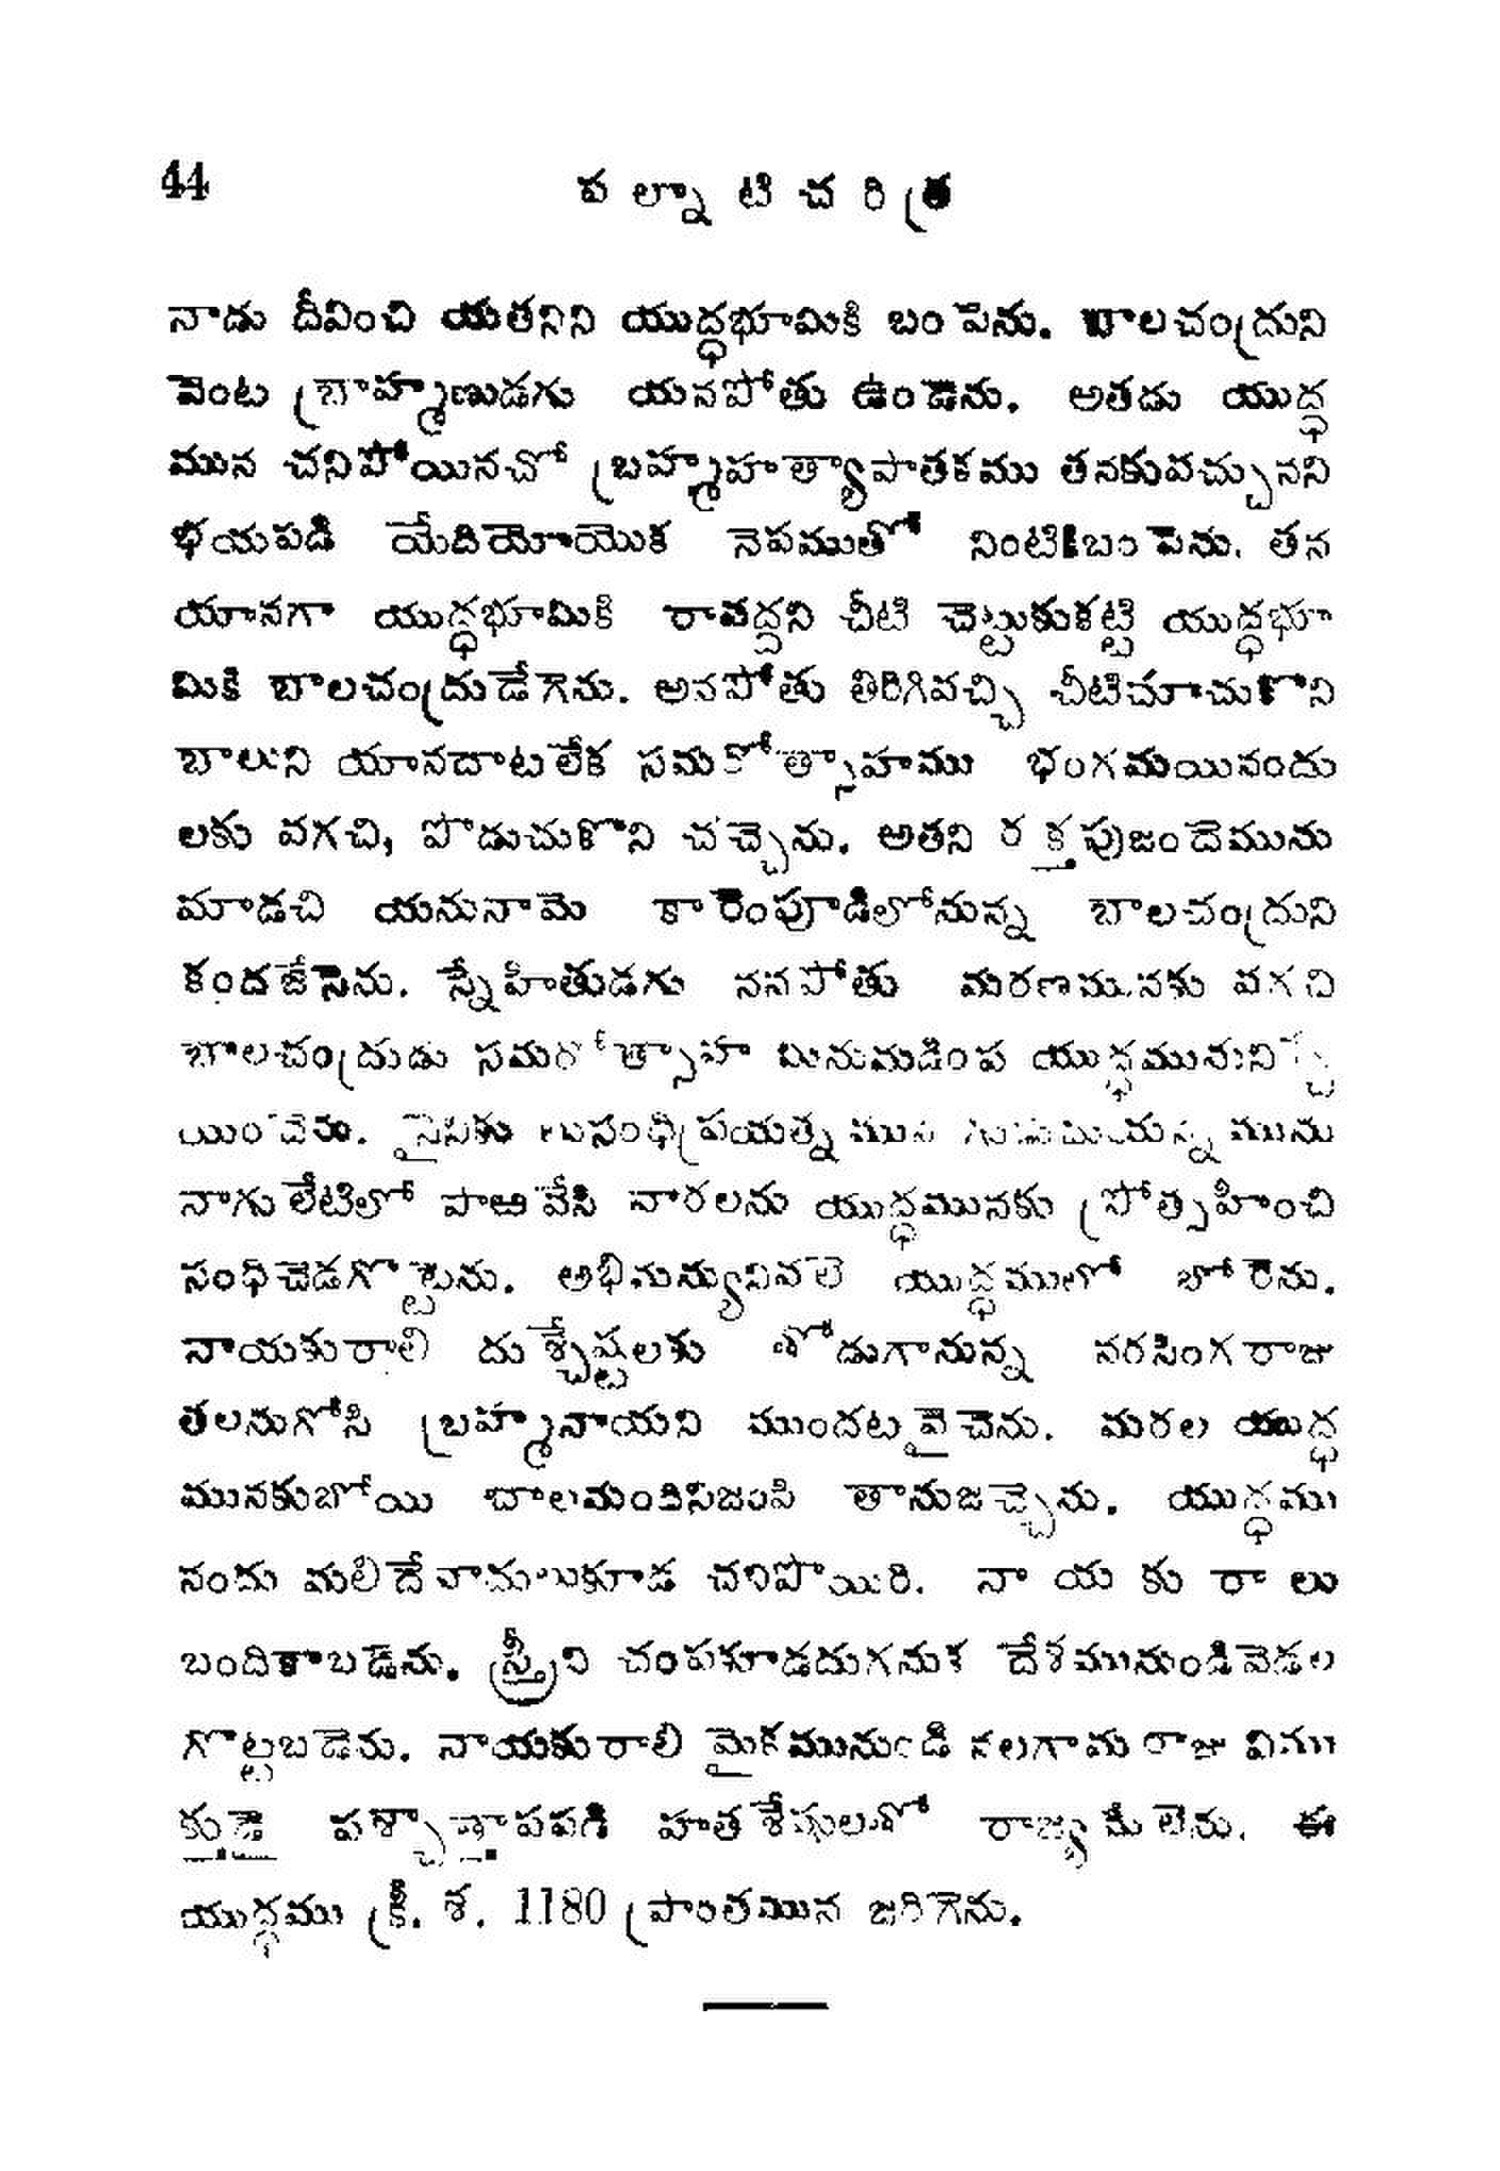నాడు దీవించి యతనిని యుద్ధభూమికి బంపెను. బాలచంద్రుని
వెంట బ్రాహ్మణుడగు యనపోతు ఉండెను. అతడు యుద్ధమున 
చనిపోయినచో బ్రహ్మహత్యాపాతకము తనకువచ్చునని
భయపడి యేదియోయొక నెపముతో నింటికిబంపెను. తన
యానగా యుద్ధభూమికి రావద్దని చీటి చెట్టుకు కట్టి యుద్ధభూ
మికి బాలచంద్రుడేగెను. అనపోతు తిరిగివచ్చి చీటిచూచుకొని
బాలుని యానదాటలేక సమరోత్సాహము భంగమయినందులకు వ
గచి, పొడుచుకొని చచ్చెను. అతని రక్తపుజందెమును
మాడచి యనునామె కారెంపూడిలోనున్న బాలచంద్రుని
కందజేసెను. స్నేహితుడుగు ననపోతు మరణమునకు వగచి
బాలచంద్రుడు సమరోత్సాహ మినుమడింప యుద్ధమును 
నిశ్చయించెను. సైనికులు సంధి ప్రయత్నమున గుడుచు యన్నమును
నాగులేటిలో పాఱవేసి వారలను యుద్ధమునకు ప్రోత్సహించి
సంధిచెడగొట్టెను. అభిమన్యునివలె యుద్ధములో బోరెను.
నాయకురాలి దుశ్చేష్టలకు తోడుగానున్న నరసింగరాజు
తలనుగోసి బ్రహ్మనాయని ముందట వైచెను. మరల యుద్ధము
నకు బోయి చాలమందిని జంపి తానుజచ్చెను. యుద్ధము
సందు మలిదేవాదులుకూడ చనిపోయిరి. నాయకురాలు
బందికాబడెను. స్త్రీని చంపకూడదుగనుక దేశమునుండి వెడల
గొట్టబడెను. నాయకురాలి మైకమునుండి నలగామరాజు 
విముక్తుడై పశ్చాత్తాపపడి హతశేషులతో రాజ్యమేలెను. ఈ
యుద్ధము క్రీ. శ. 1180 ప్రాంతమున జరిగెను.